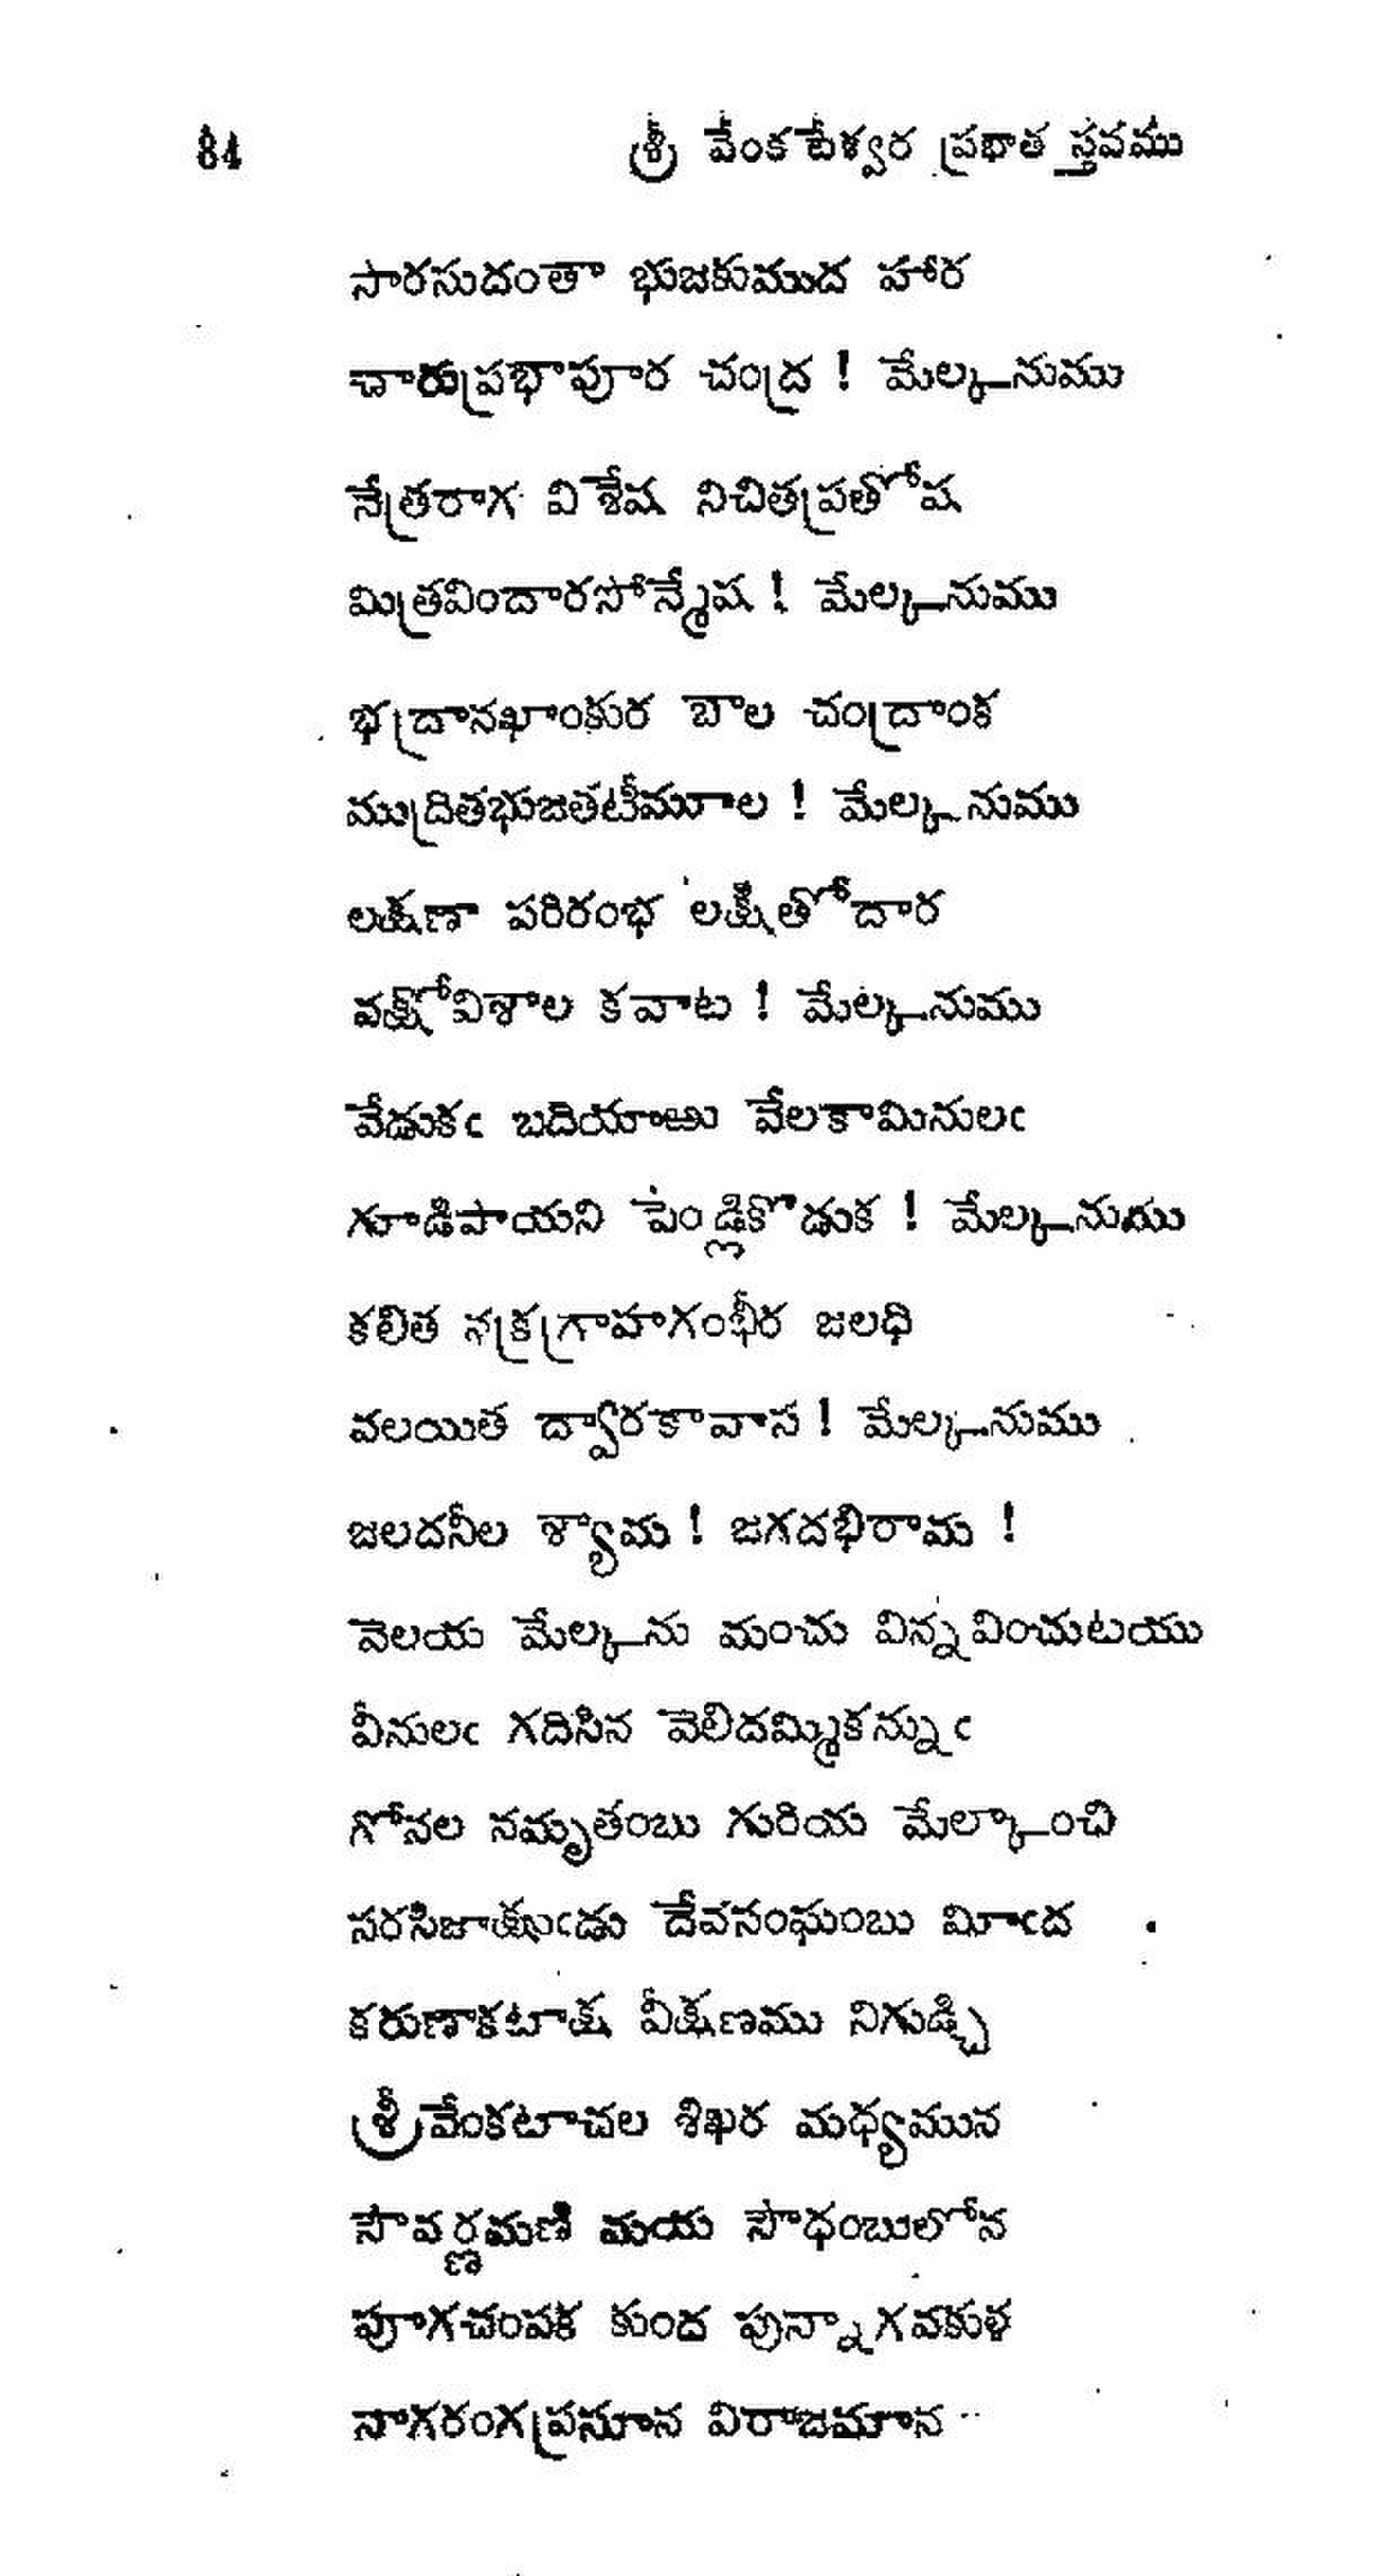సారసుదంతా భుజకుముద హార 
చారుప్రభాపూర చంద్ర! మేల్కనుము 

నేత్రరాగ విశేష నిచితప్రతోష 
మిత్రవిందారసోన్మేష ! మేల్కనుము 

భద్రానఖాంకుర బాల చంద్రాంక 
ముద్రిత భుజతటీమూల ! మేల్కనుము 

లక్షణా పరిరంభ లక్ష్మితో దార 
వక్షోవిశాల కవాట ! మేల్కనుము 

వేడుకఁ బదియాఱు వేలకామినులఁ 
గూడిపాయని పెండ్లికొడుక ! మేల్కనుము 

కలిత వక్రగ్రాహగంభీర జలధి 
వలయిత ద్వారకావాస ! మేల్కనుము 

జలదనీల శ్యామ ! జగదభిరామ ! 
వేలయ మేల్కను మంచు విన్నవించుటయు 

వీనులఁ గదిసిన వెలిదమ్మికన్నుఁ 
గోనల నమృతంబు గురియ మేల్కాంచి 

సరసిజాక్షుఁడు దేవసంఘంబు మీఁద 
కరుణాకటాక్ష వీక్షణము నిగుడ్చి 

శ్రీవేంకటాచల శిఖర మధ్యమున 
సౌవర్ణమణి మయ సౌధంబులోన 

పూగచంపక కుంద పున్నాగవకుళ 
సాగరంగప్రసూన విరాజమాన